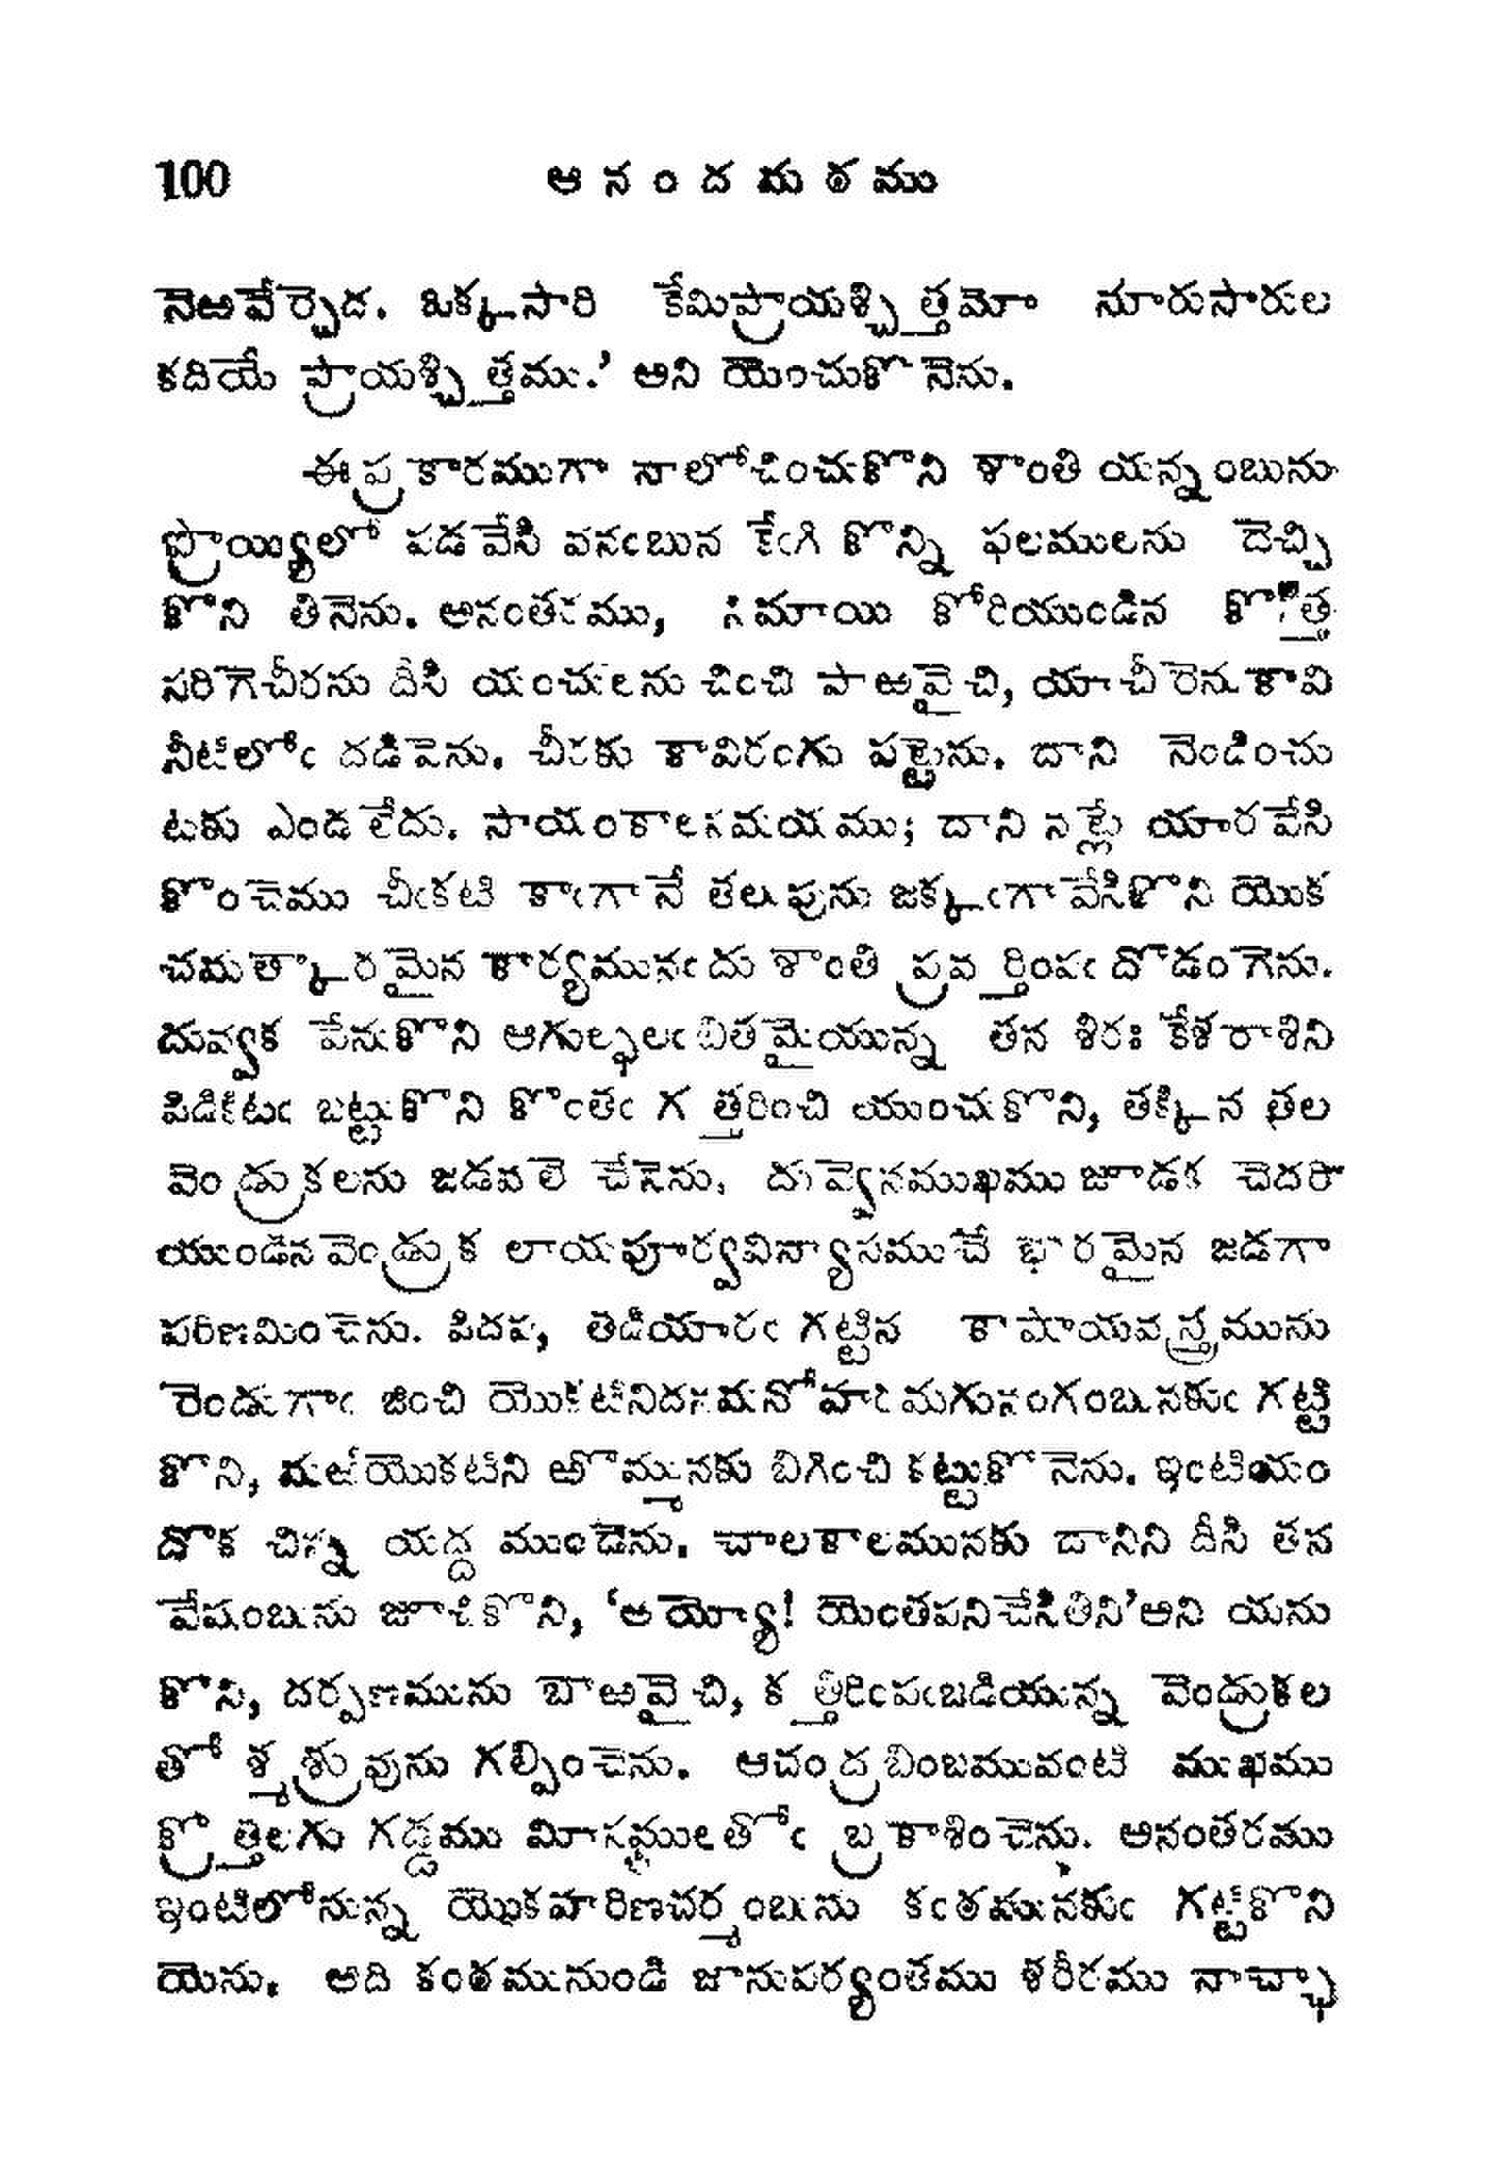నెఱవేర్చెద. ఒక్కసారి కేమి ప్రాయశ్చిత్తమో నూరుసారుల కదియే ప్రాయశ్చిత్తము.' అని యెంచుకొనెను.

ఈ ప్రకారముగా నాలోచించుకొని శాంతి యన్నంబును ప్రొయ్యిలో పడవేసి వనంబున కేఁగి కొన్ని ఫలములను దెచ్చికొని తినెను. అనంతము, నిమాయి కోరియుండిన కొత్త సరిగె చీరను దీసి యంచులను చించి పాఱవైచి, యాచీరెను కావి
నీటిలోఁ దడిపెను. చీరకు కావిరంగు పట్టెను. దాని నెండించుటకు ఎండ లేదు. సాయంకాల సమయము; దాని నల్లే యారవేసి కొంచెము చీఁకటి కాఁగానే తలుపును జక్కఁగా వేసికొని యొక చమత్కారమైన కార్యమునందు శాంతి ప్రవర్తింపఁ దొడంగెను. దువ్వక పేనుకొని ఆగుల్ఫలఁ బిత మైయున్న తన శిరః 'కేశ రాశిని పిడికిటఁ బట్టుకొని కొంతఁ గత్తరించి యుంచుకొని, తక్కిన తల వెండ్రుకలను జడవలె చేసెను, దువ్వెనముఖము జూడక చెదరి యుండిన వెండ్రుక లాయ పూర్వవిన్యాసము చే భారమైన జడగా పరిణమించెను. పిదప, తడియారఁ గట్టిన కాషాయవస్త్రమును రెండుగాఁ జించి యొకటి నిదన మనోహర మగుసంగంబునకుఁ గట్టి కొని, మఱి యొకటిని ఱోమ్మునకు బిగించి కట్టుకొనెను. ఇంటియందొక చిన్న యద్ద ముండెను, చాలకాలమునకు దానిని దీసి తన వేషంబును జూచి కొని, 'అయ్యో! యెంతపని చేసితిని' అని యనుకోని, దర్పణమును బాఱవైచి, కత్తిరింపఁబడియున్న వెండ్రుకలతో శ్మశ్రువును గల్పించెను. ఆచంద్ర బింబమువంటి ముఖము
క్రోత్తలగు గడ్డము మీసములతోఁ బ్రకాశించెను. అనంతరము ఇంటిలోనున్న యొక హరిణచర్మంబును కంఠమునకుఁ గట్టికొని
యెను. అది కంఠము నుండి జాను పర్యంతము శరీరము నాచ్ఛా